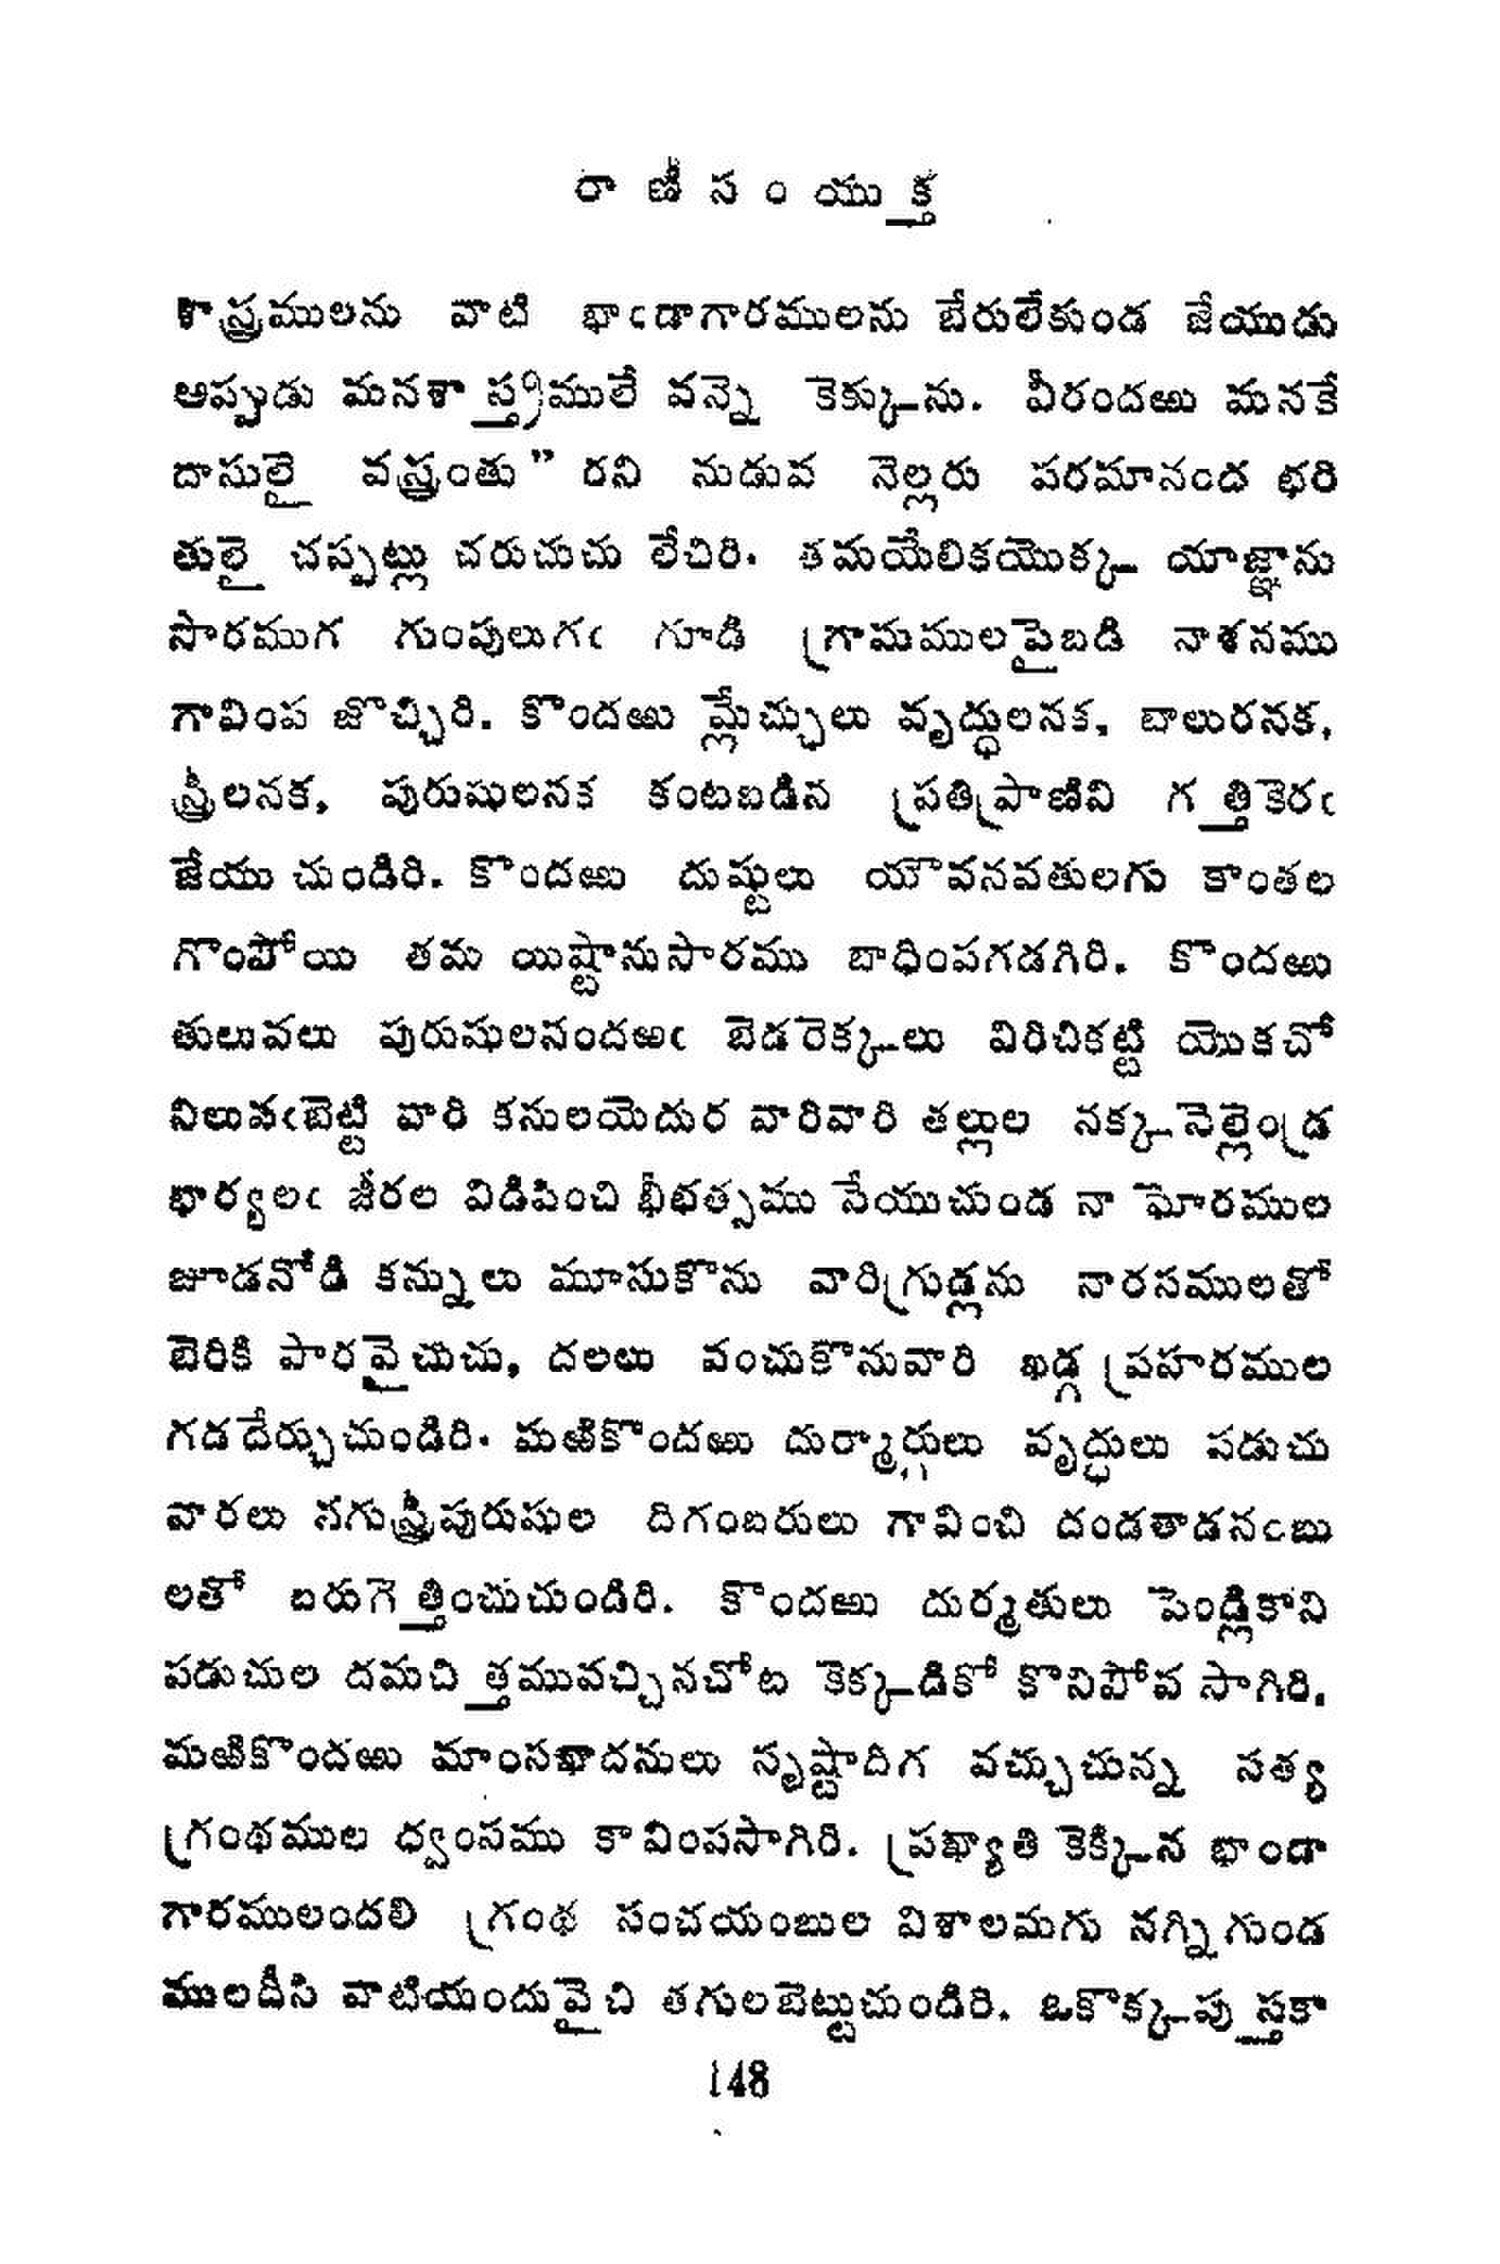శాస్త్రములను వాటి భాండాగారములను బేరులేకుండ జేయుడు అప్పుడు మనశాస్త్రములే వన్నె కెక్కును. వీరందఱు మనకే దాసులై వస్త్రంతు" రని నుడువ నెల్లరు పరమానంద భరితులై చప్పట్లు చరుచుచు లేచిరి. తమయేలికయొక్క యాజ్ఞానుసారముగ గుంపులుగఁ గూడి గ్రామములపైబడి నాశనము గావింప జొచ్చిరి. కొందఱు మ్లేచ్ఛులు వృద్ధులనక, బాలురనక, స్త్రీలనక, పురుషులనక కంటబడిన ప్రతిప్రాణిని గత్తికెరఁ జేయు చుండిరి. కొందఱు దుష్టులు యౌవనవతులగు కాంతల గొంపోయి తమ యిష్టానుసారము బాధింపగడగిరి. కొందఱు తులువలు పురుషులనందఱఁ బెడరెక్కలు విరిచికట్టి యొకచో నిలువఁబెట్టి వారి కనులయెదుర వారివారి తల్లుల నక్క,సెల్లెండ్ర భార్యలం జీరల విడిపించి భీభత్సము సేయుచుండ నా ఘోరముల జూడనోడి కన్నులు మూసుకొను వారిగ్రుడ్లను నారసములతో బెరికి పారవైచుచు, దలలు వంచుకొనువారి ఖడ్గ ప్రహరముల గడదేర్చుచుండిరి. మఱికొందఱు దుర్మార్గులు వృద్దులు పడుచువారలు నగుస్త్రీపురుషుల దిగంబరులు గావించి దండతాడనంబులతో బరుగెత్తించుచుండిరి. కొందఱు దుర్మతులు పెండ్లికాని పడుచుల దమచిత్తమువచ్చినచోట కెక్కడికో కొనిపోవ సాగిరి. మఱికొందఱు మాంసఖాదనులు సృష్టాదిగ వచ్చుచున్న సత్యగ్రంథముల ధ్వంసము కావింపసాగిరి. ప్రఖ్యాతి కెక్కిన భాండాగారములందలి గ్రంథ సంచయంబుల విశాలమగు నగ్నిగుండములదీసి వాటియందువైచి తగులబెట్టుచుండిరి. ఒకొక్కపుస్తకా